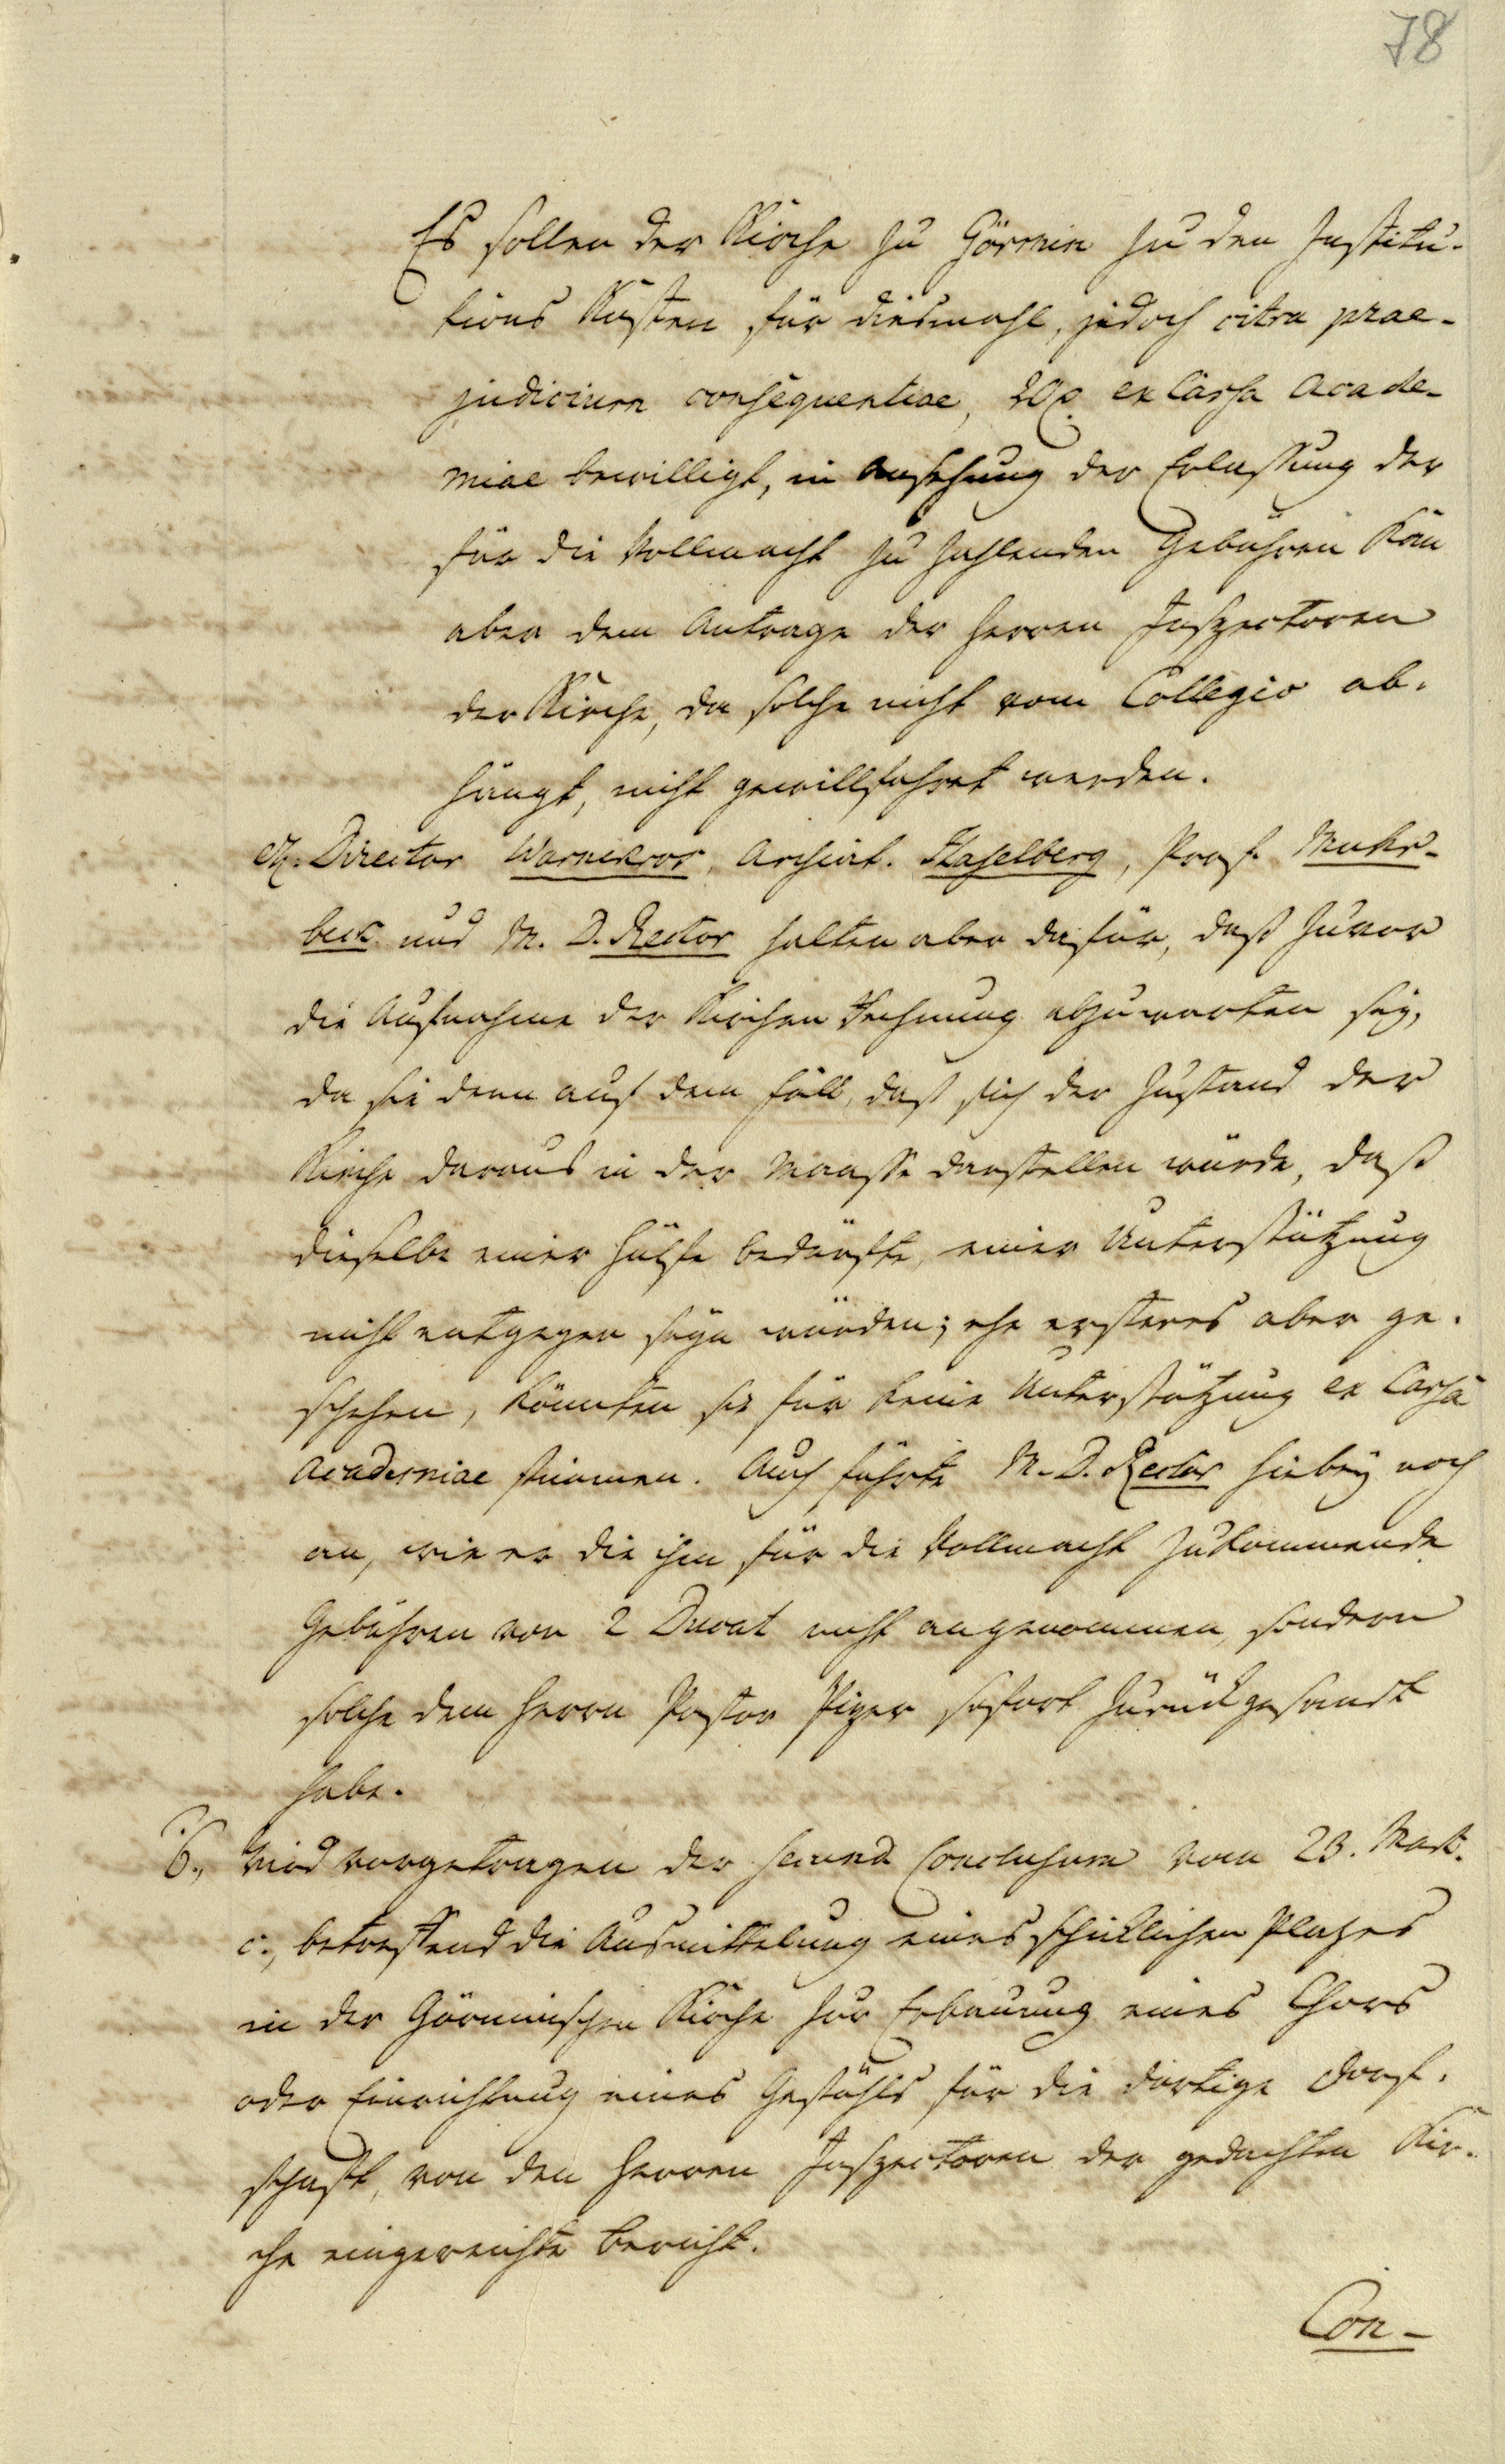Es sollen der Kirche zu Görmin zu den Institu¬
tions Kosten für diesmahl, jedoch citra prae-
judicium consequentiae, 20 l. ex Cassa Acade¬
miae bewilligt, in Ansehung der Erlassung der
für die Vollmacht zu zahlenden Gebühren kan
aber dem Antrage der Herren Inspectoren
der Kirche, da solche nicht vom Collegio ab¬
hängt, nicht gewillfahret werden.
dh. Director Warnekros, Archiat. Haselberg, Prof. Muhr¬
beck und M. D. Rector halten aber dafür, daß zuvor
die Aufnahme der Kirchen Rechnung abzuwarten seÿ,
da sie denn auf dem Fall, daß sich der Zustand der
Kirche daraus in der Maasse darstellen würde, daß
dieselbe einer Hülfe bedürfte, einer Unterstützung
nicht entgegen seÿn würden; ehe ersteres aber ge¬
schehen, könnten sie für keine Unterstützung ex Cassa
Academiae stimmen. Auch führte M. D. Rector hiebeÿ noch
an, wie er die ihm für die Vollmacht zukommende
Gebühren von 2 Ducat nicht angenommen, sondern
solche dem Herrn Pastor Piper sofort zurückgesandt
habe.
6., und vorgetragen der secund. Conclusum vom 23. Mart.
c., betreffend die Ausmittelung eines schicklichen Plazes
in der Görminschen Kirche zur Erbauung eines Chors
oder Einrichtung eines Gestühls für die dortige Dorf¬
schaft von den Herren Inspectoren der gedachten Kir¬
che eingereichte Bericht.
Con¬